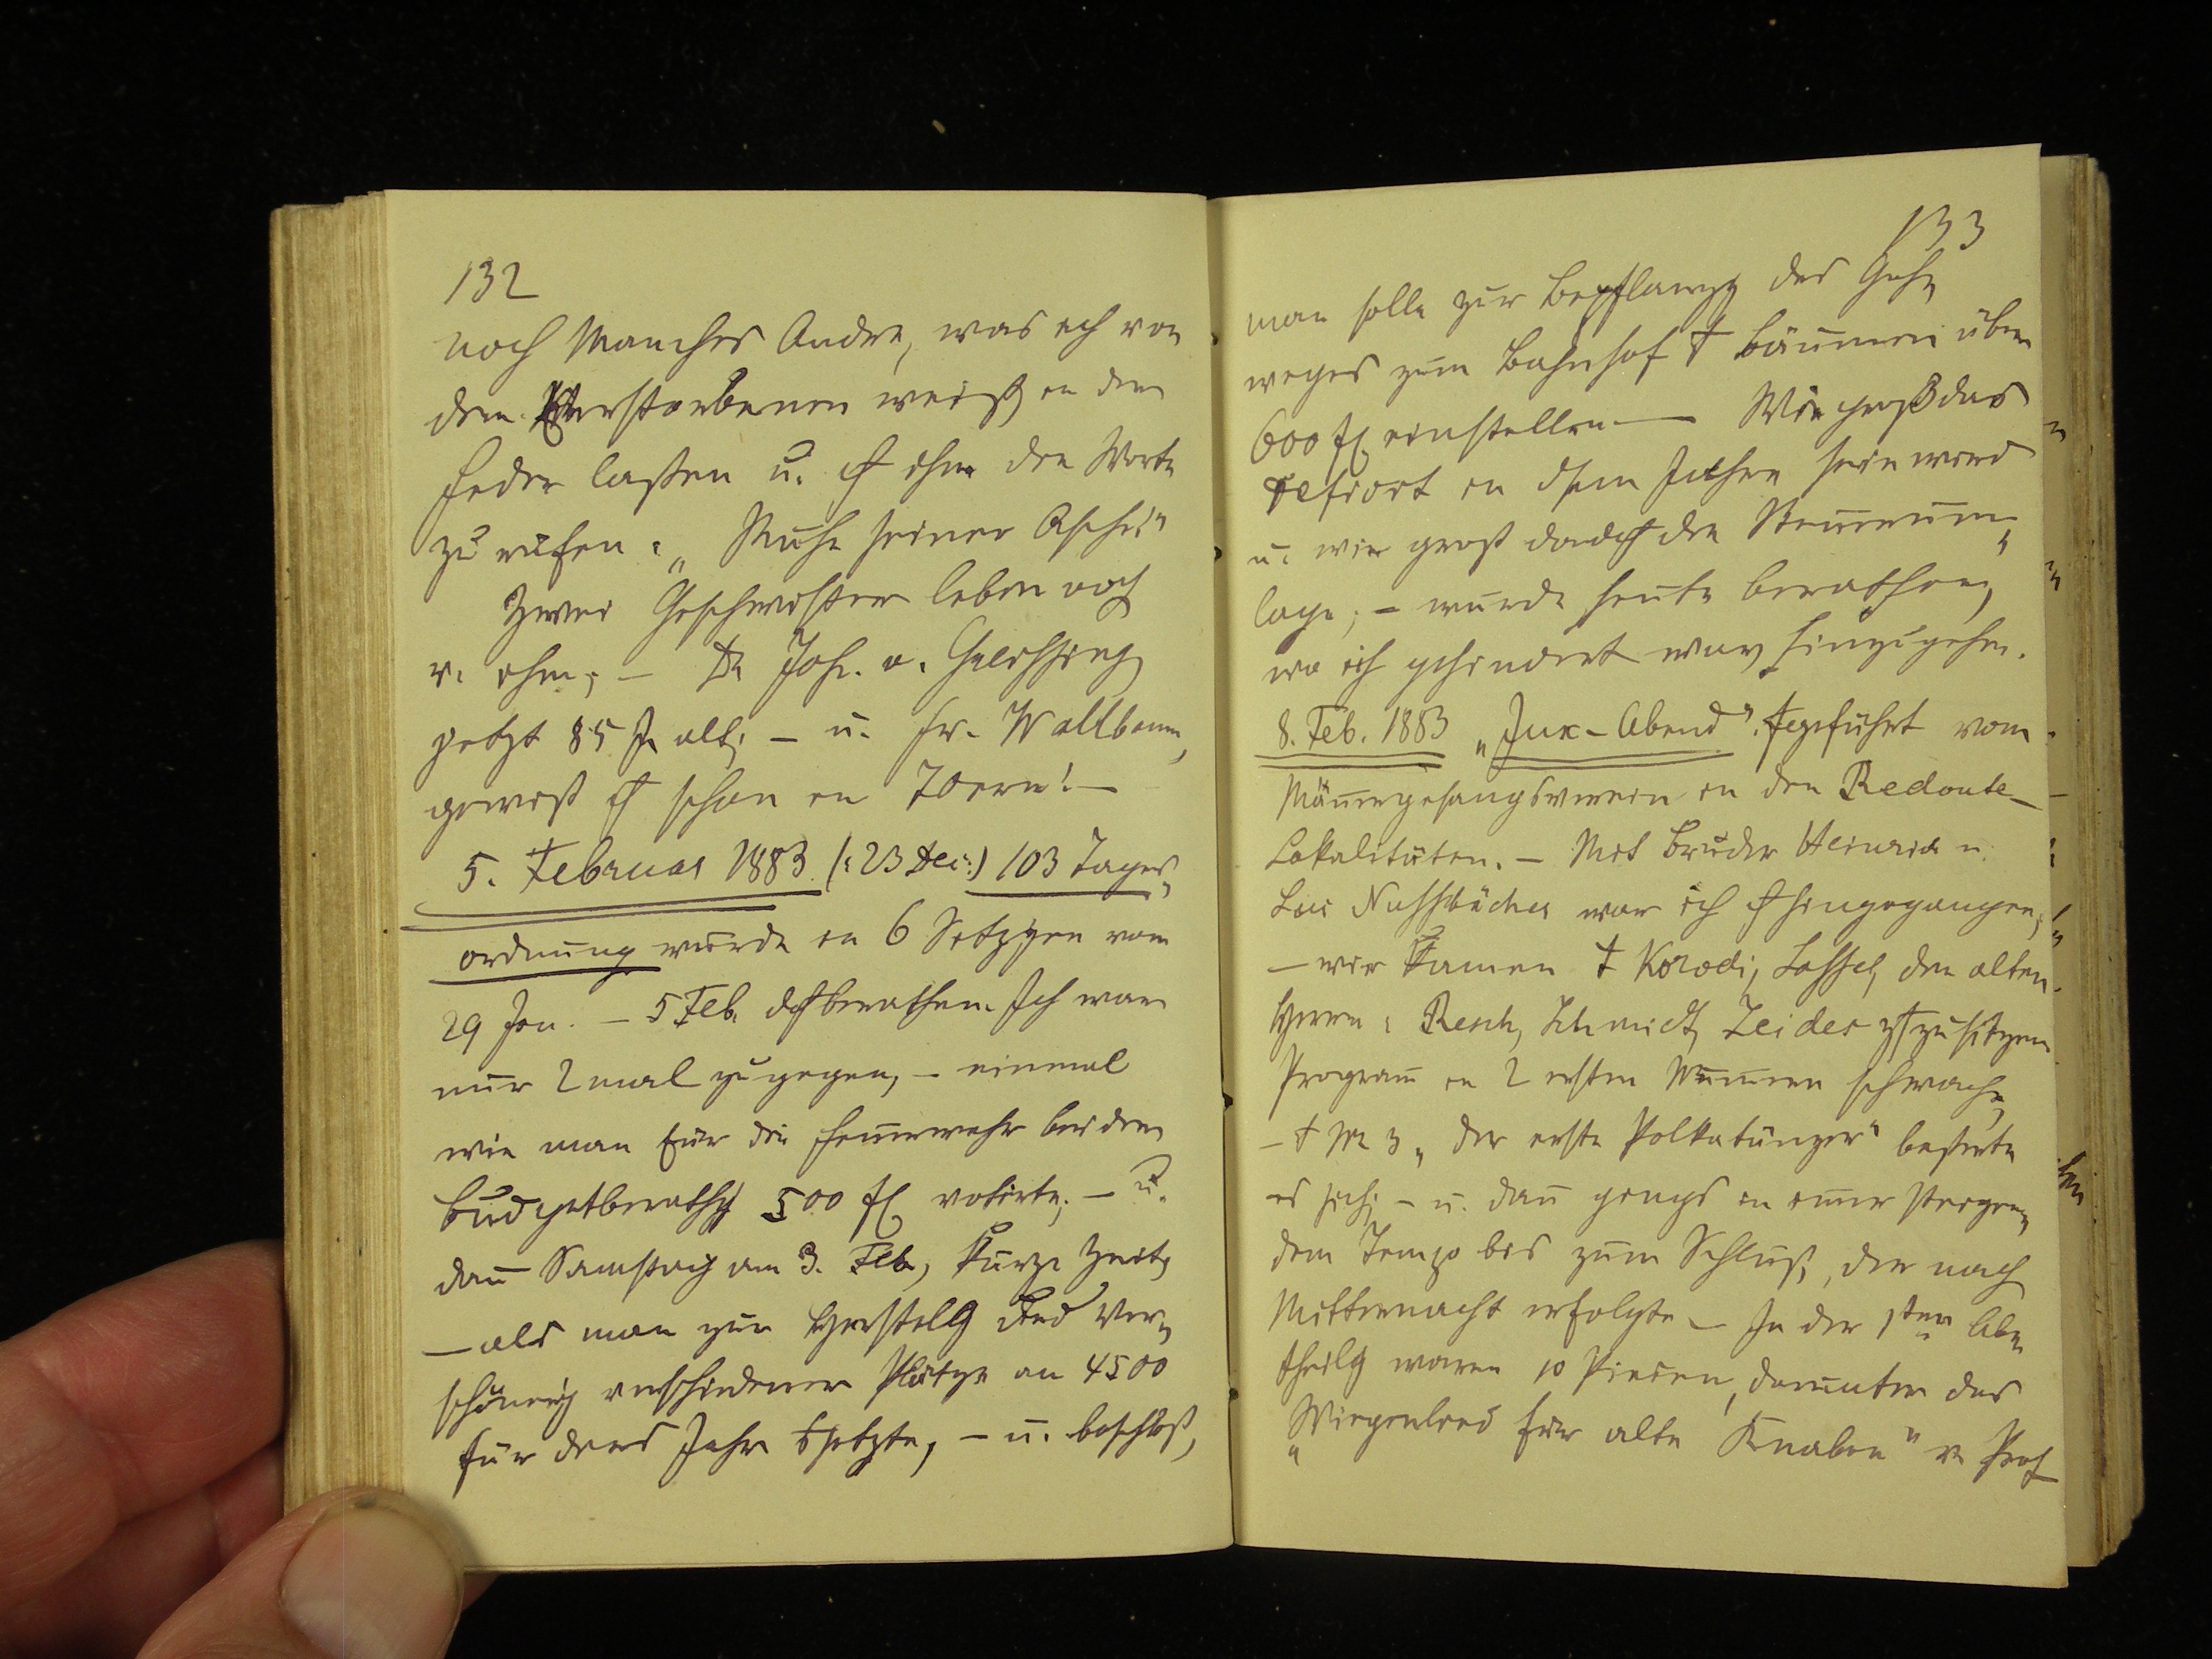132
noch manches Andere, was ich von
dem Verstorbenen weiß in der
Feder laßen und auch ihm die Worte
zurufen:“ Ruhe seiner Asche“ .-
Zwei Geschwister leben noch
von ihm ,-Dr. Joh. von Gerssing
jetzt 85 Jahre alt.- und Fr. Wallbaum
gewiß schon in den 70- ern.-
5. Februar 1883 (: 23 Dez: ) 103 Tages¬
ordnung wurde in 6 Sitzungen vom
29. Jan.-5. Febr. durchberathen. Ich war
nur 2-mal zugegen,- einmal
wie man für die Feuerwehr bei der
Budgetberatun 500 Fl. votierte; -und
dann Samstag am 3. Febr. kurze Zeit
- als man zur Herstellung und Ver¬
schönerung verschiedener Plätze von 4500
für dieses Jahr festsetzte,- und beschloß,
133
man solle zur Bepflanzung des Geh¬
weges zum Bahnhof mit Bäumen über
600 Fl. einstellen,-Wie groß das
Defizit in diesem Jahre sein wird
und wie groß damit die Stimmen¬
lage ;- wurde heute berathen,
wo ich gehindert war hinzugehen.-
8. Febr.1883 „Jux-Abend. Aufgeführt vom
Männergesangsverein in der Redoute,-
Lokalitäten.- Mit Bruder Heinrich und
Lou Nussbächer war ich mit hingegangen
- wie kamen mit Korodi, Lassel, den alten
Herrn: Resch, Schmidt, Zeider zusammenzusitzen.
Programm in 2 ersten Nummern schwache
– nach Nr: 3 „ Der erste Polkatänzer“ ?beßerte
es sich ,- und dann gings in einem Reigen
dem Tango bis zum Schluß, der nach
Mitternacht erfolgte .- In der 1-ten Ab¬
theilung waren 10 Piesen darunter das
„ Wiegen lied für alte Knaben“ von Prof.---